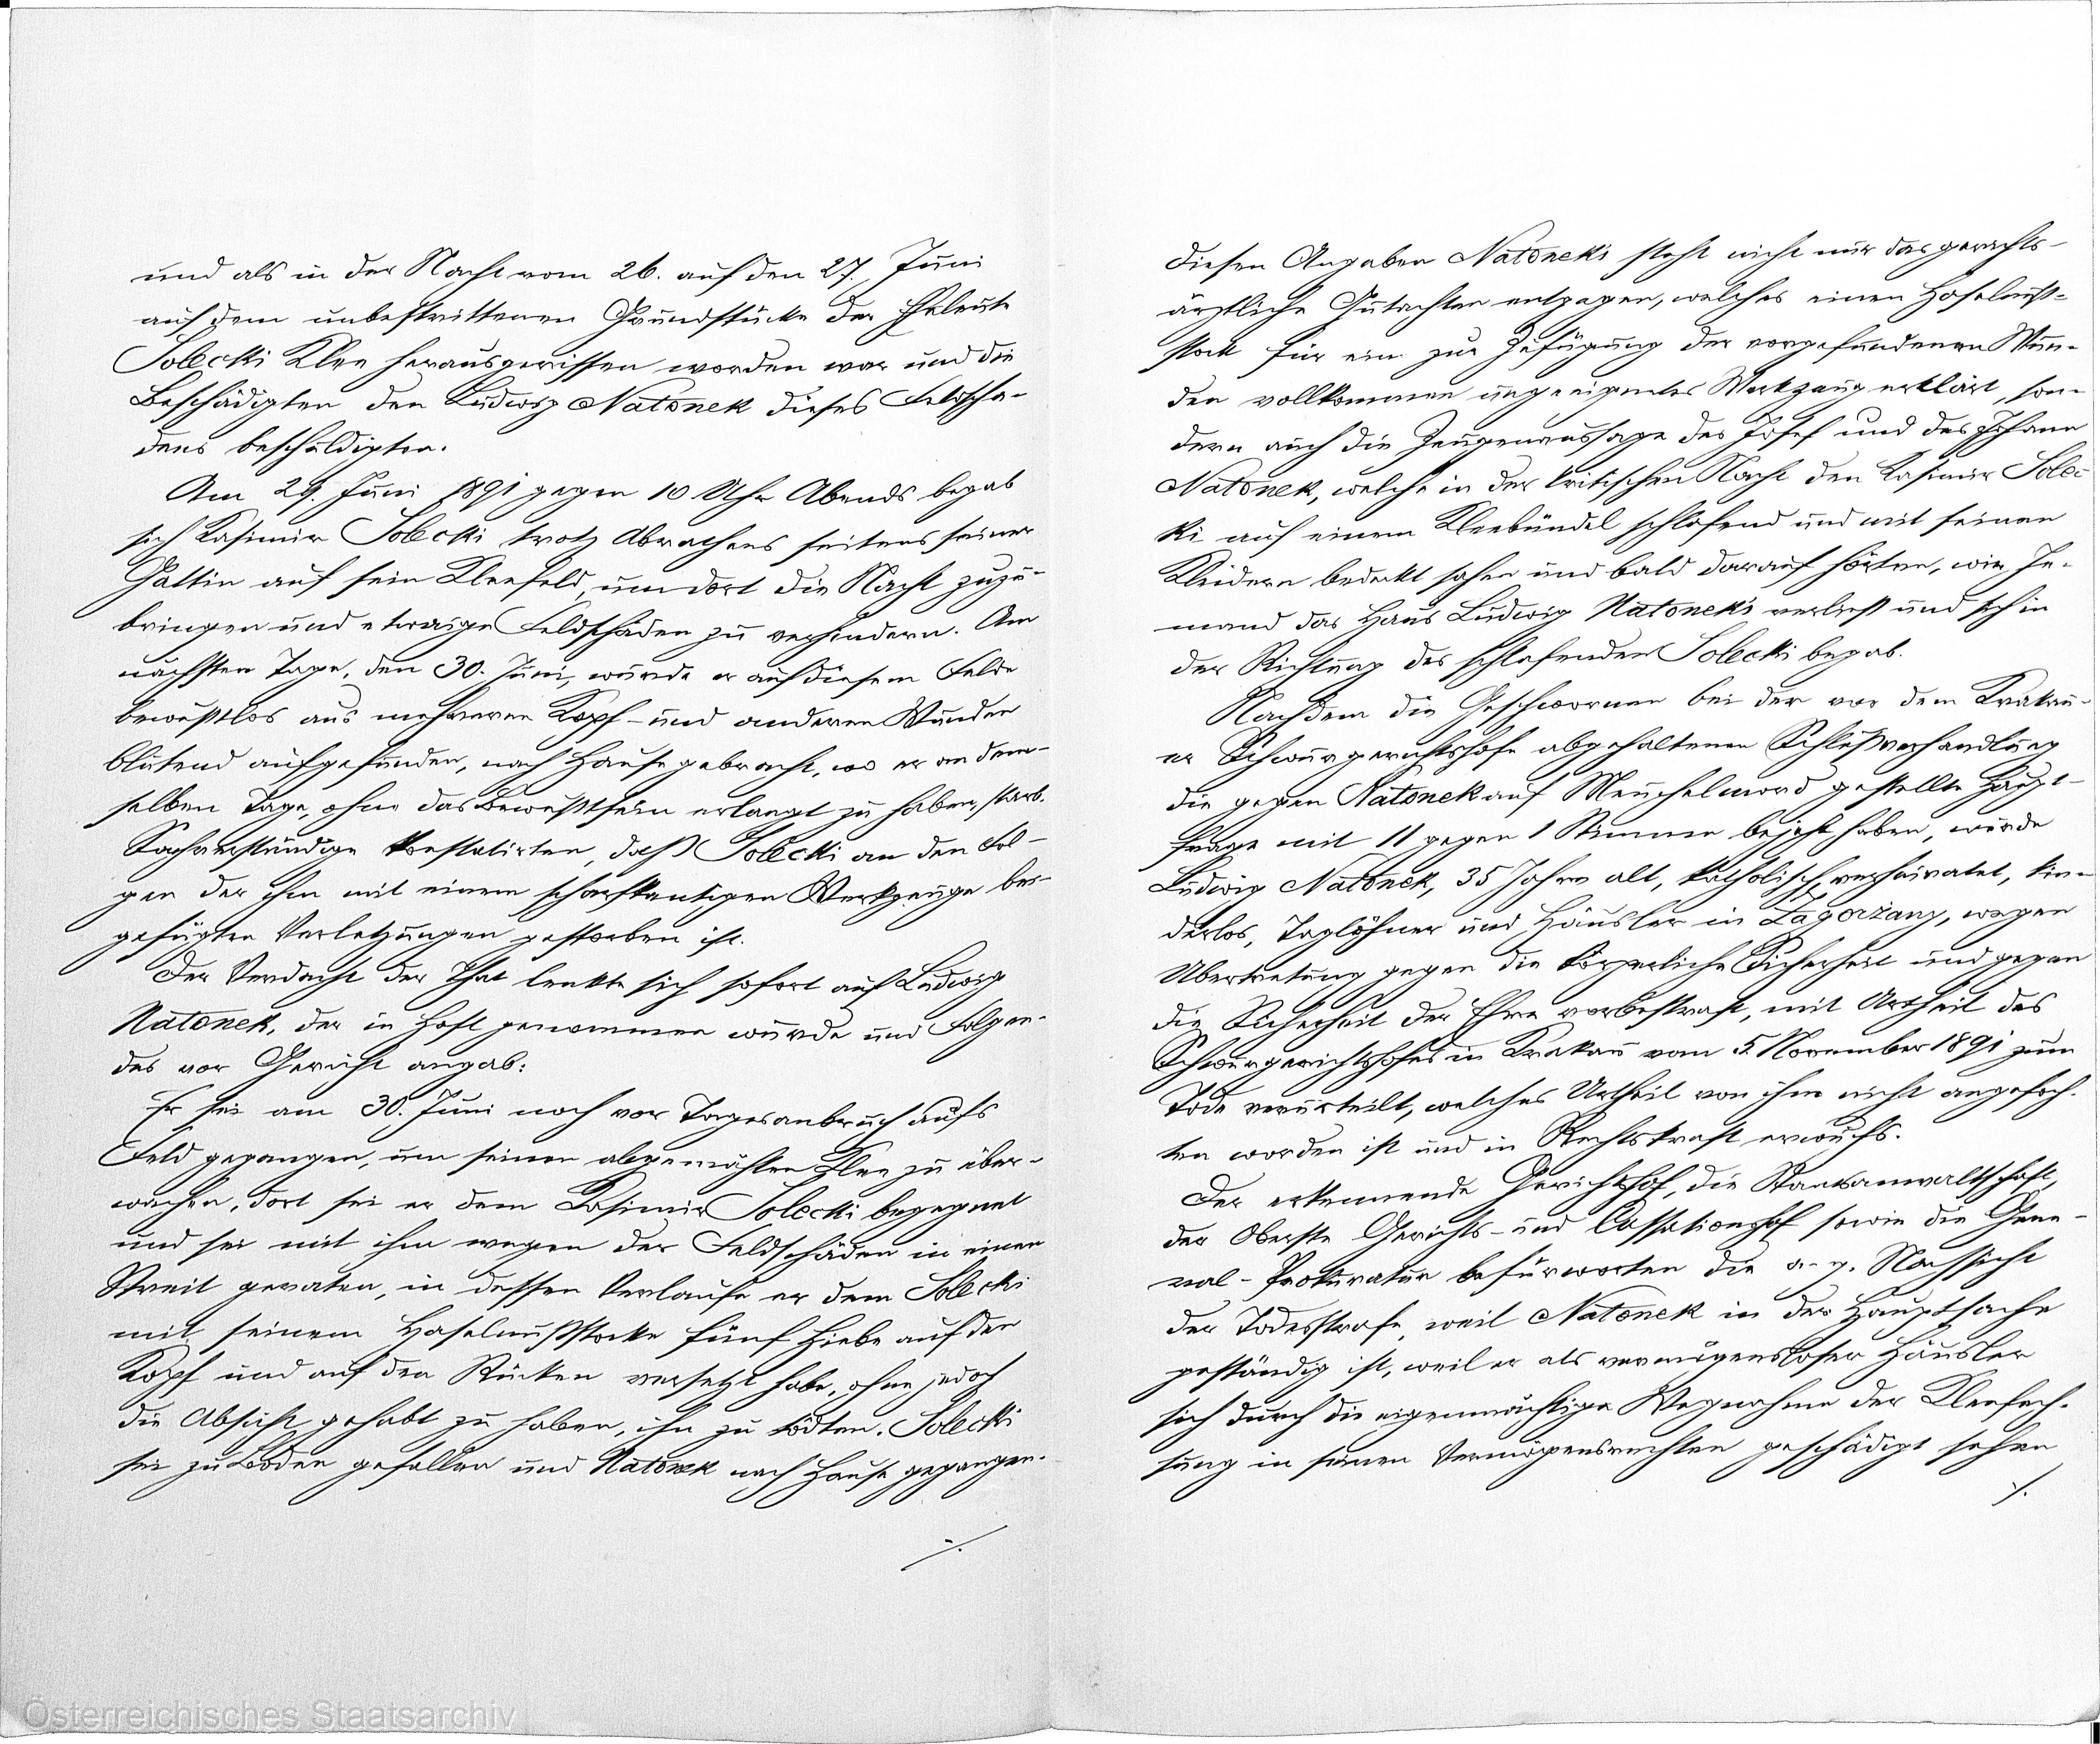und als in der Nacht vom 26. auf den 27. Juni
auf dem unbestrittenen Grundstücke der Eheleute
Solecki Klee herausgerissen worden war und die
Beschädigten den Ludwig Natonek dieses Feldscha¬
dens beschuldigten.
Am 29. Juni 1891 gegen 10 Uhr Abends begab
sich Kasimir Solecki trotz Abrathens seitens seiner
Gattin auf sein Kleefeld, um dort die Nacht zuzu¬
bringen und etwaigen Feldschäden zu verhindern. Am
nächsten Tage, den 30. Juni, wurde er auf diesem Felde
bewußtlos aus mehreren Kopf- und anderen Wunden
blutend aufgefunden, nach Hause gebracht, wo er am dem¬
selben Tage, ohne das Bewußtsein erlangt zu haben, starb.
Sachverständige konstatirten, daß Solecki an den fol¬
gen der ihm mit einem scharfkantigen Werkzeuge bei¬
gefügten Verletzungen gestorben ist.
Der Verdacht der That lenkte sich sofort auf Ludwig
Natonek, der in Haft genommen wurde und folgen¬
des vor Gericht angab:
Er sei am 30. Juni noch vor Tagesanbruch aufs
Feld gegangen, um seinen abgemähten Klee zu über¬
wachen, dort sei er dem Kasimir Solecki begegnet
und sei mit ihm wegen der Feldschäden in einen
Streit geraten, in dessen Verlaufe er dem Solecki
mit seinem Haselnußstocke fünf Hiebe auf den
Kopf und auf der Rücken versetzt habe, ohne jedoch
die Absicht gehabt zu haben, ihn zu tödten. Solecki
sei zu Boden gefallen und Natonek nach Hause gegangen.
Diesen Angaben Natonecks steht nicht nur das gerichts¬
ärztliche Gutachten entgegen, welches einen Haselnußs¬
tock für ein zur Zufügung der vorgefundenen Wun¬
den vollkommen ungeeignetes Werkzeug erklärt, son¬
dern auch die Zeugenaussage des Josef und des Johann
Natonek, welche in der kritischen Nacht den Kasimir Solec¬
ki auf einem Kleebündel schlafend und mit seinen
Kleidern bedeckt sahen und bald darauf hörten, wie Je¬
mand das Haus Ludwig Natonek’s verließ und sich in
der Richtung des schlafenden Solecki begab.
Nachdem die Geschworenen bei der vor dem Krakau¬
er Schwurgerichtshof abgehaltenen Schlußverhandlung
die gegen Natonek auf Meuchelmord gestellte Haupt¬
frage mit 11 gegen 1 Stimmen gejaht haben, wurde
Ludwig Natonek, 35 Jahre alt, katholisch verheiratet, kin¬
derlos, Taglöhner und Häusler in Zagorżany, wegen
Ubertretugn gegen die körperliche Sicherheit und gegen
die Sicherheit der Ehre vorbestraft, mit Urtheil des
Schwurgerichtshofes in Krakau vom 5. November 1891 zum
Tode verurtheilt, welches Urtheil von ihm nicht angefoch¬
ten worden ist und in Rechtskraft erwuchs.
Der erkennende Gerichtshof, die Staatsanwaltschaft,
der Oberste Gerichts- und Cassationshof sowie die Gene¬
ral-Prokuratur befürworten die a.g. Nachsicht
der Todesstrafe, weil Natonek in der Hauptsache
geständig ist, weil er als vermögensloser Häusler
sich durch die eigenmächtige Wegnehmen der Kleefach¬
sung in seinen Vermögensrechten geschädigt sehen